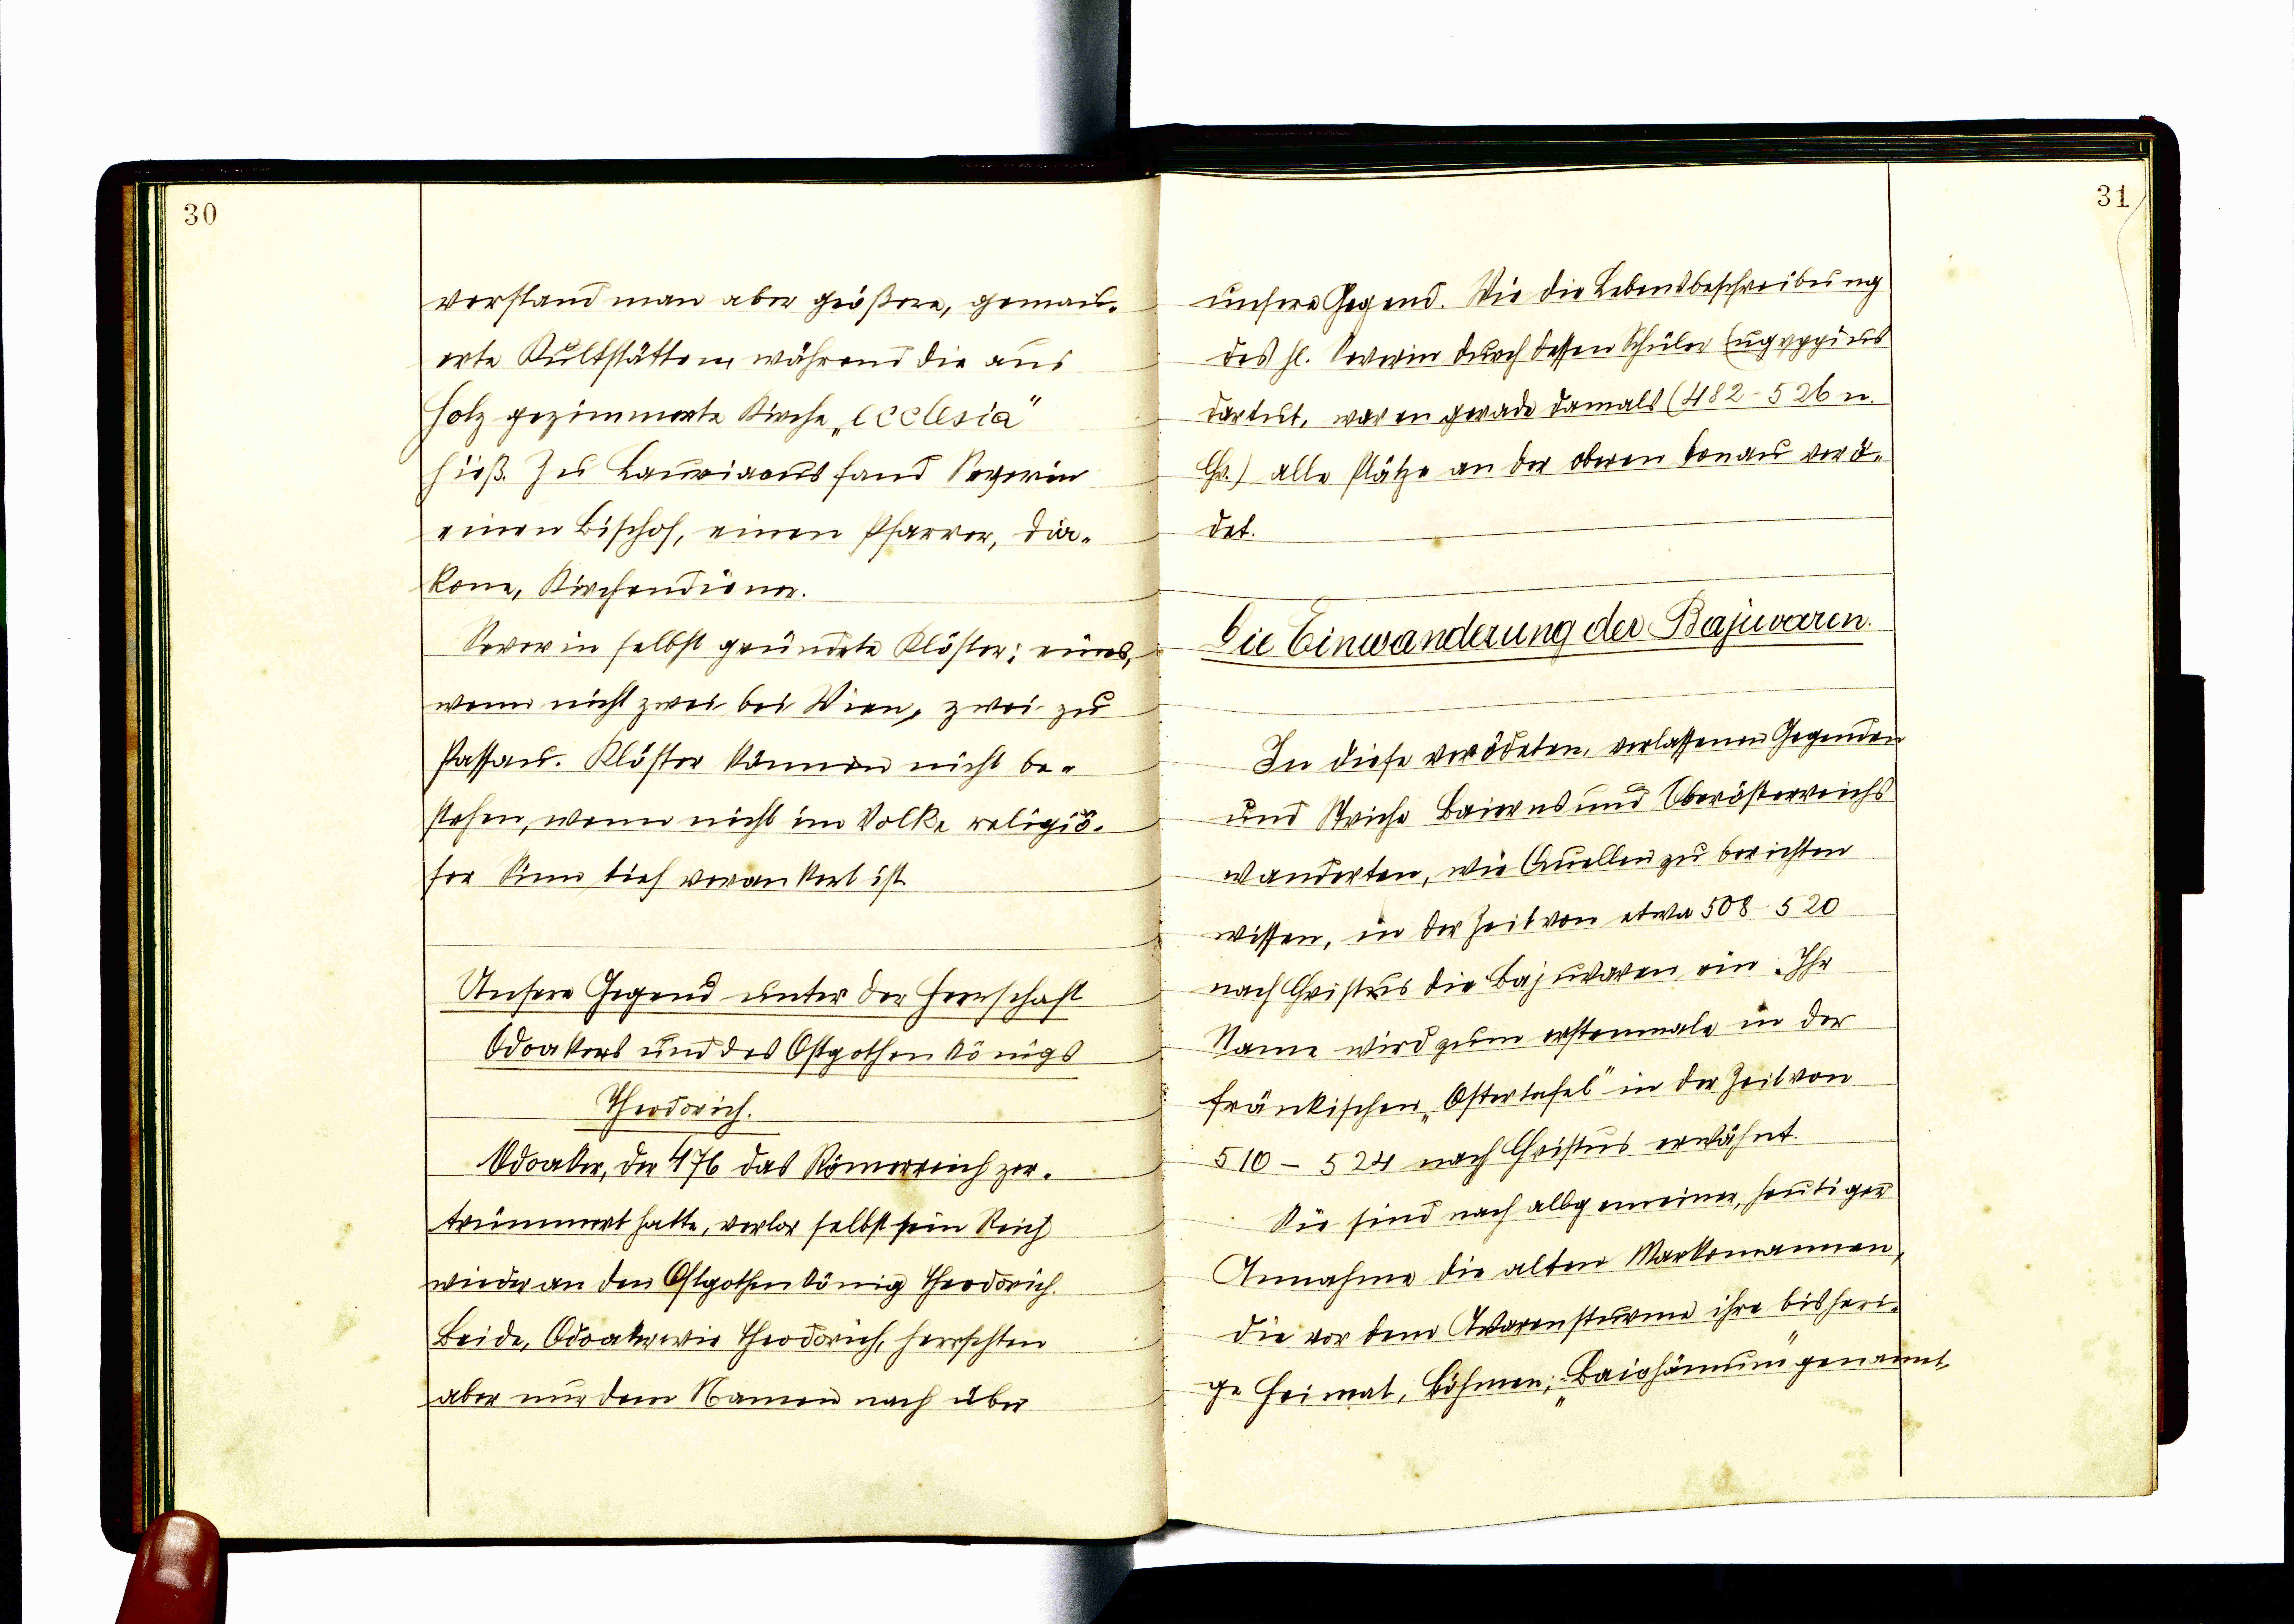verstand man aber größere, gemau-
erte Kultstätten während die aus
Holz gezimmerte Kirche „ecclesia“
hieß. Zu Lauriacus fand Severin
einen Bischof, einen Pfarrer, Dia-
kone, Kirchendiener.
Severin selbst gründete Klöster; eines,
wenn nicht zwei bei Wien, zwei zu
Passau. Klöster können nicht be-
stehen, wenn nicht im Volke religiö-
ser Sich tief verankert ist.
Unsere Gegend unter der Herrschaft
Odoakers und des Ostgothenkönigs
Theodorich.
Odoaker, der 476 das Römerreich zer-
trümmert hatte, verlor selbst sein Reich
wieder an den Ostgothenkönig Theodorich.
Beide, Odoaker wie Theodorich, herrschten
aber nur dem Namen nach über
unsere Gegend. Wie die Lebensbeschreibung
des Hl. Severin durch dessen Schüler Eugyggius
dartut, war an gerade damals (482-526 n.
Chr.) all Plätze an der oberen Donau verö-
det.
Die Einwanderung der Bajuwaren
In diese verödeten, verlassenen Gegenden
und Striche Baierns und Oberösterreichs
wanderten, wie Quellen zu berichten
wissen, in der Zeit von etwa 508-520
nach Christus die Bajuvaren ein. Ihr
Name wird zum erstenmale in der
fränkischen „Ostertafel“ in der Zeit von
510-524 nach Christus erwähnt.
Die sind nach allgemeiner heutiger
Annahmen die alten Markomannen,
die vor dem Awarensturme ihre bisheri-
ge Heimat Böhmen „Baiohämum“ genannt